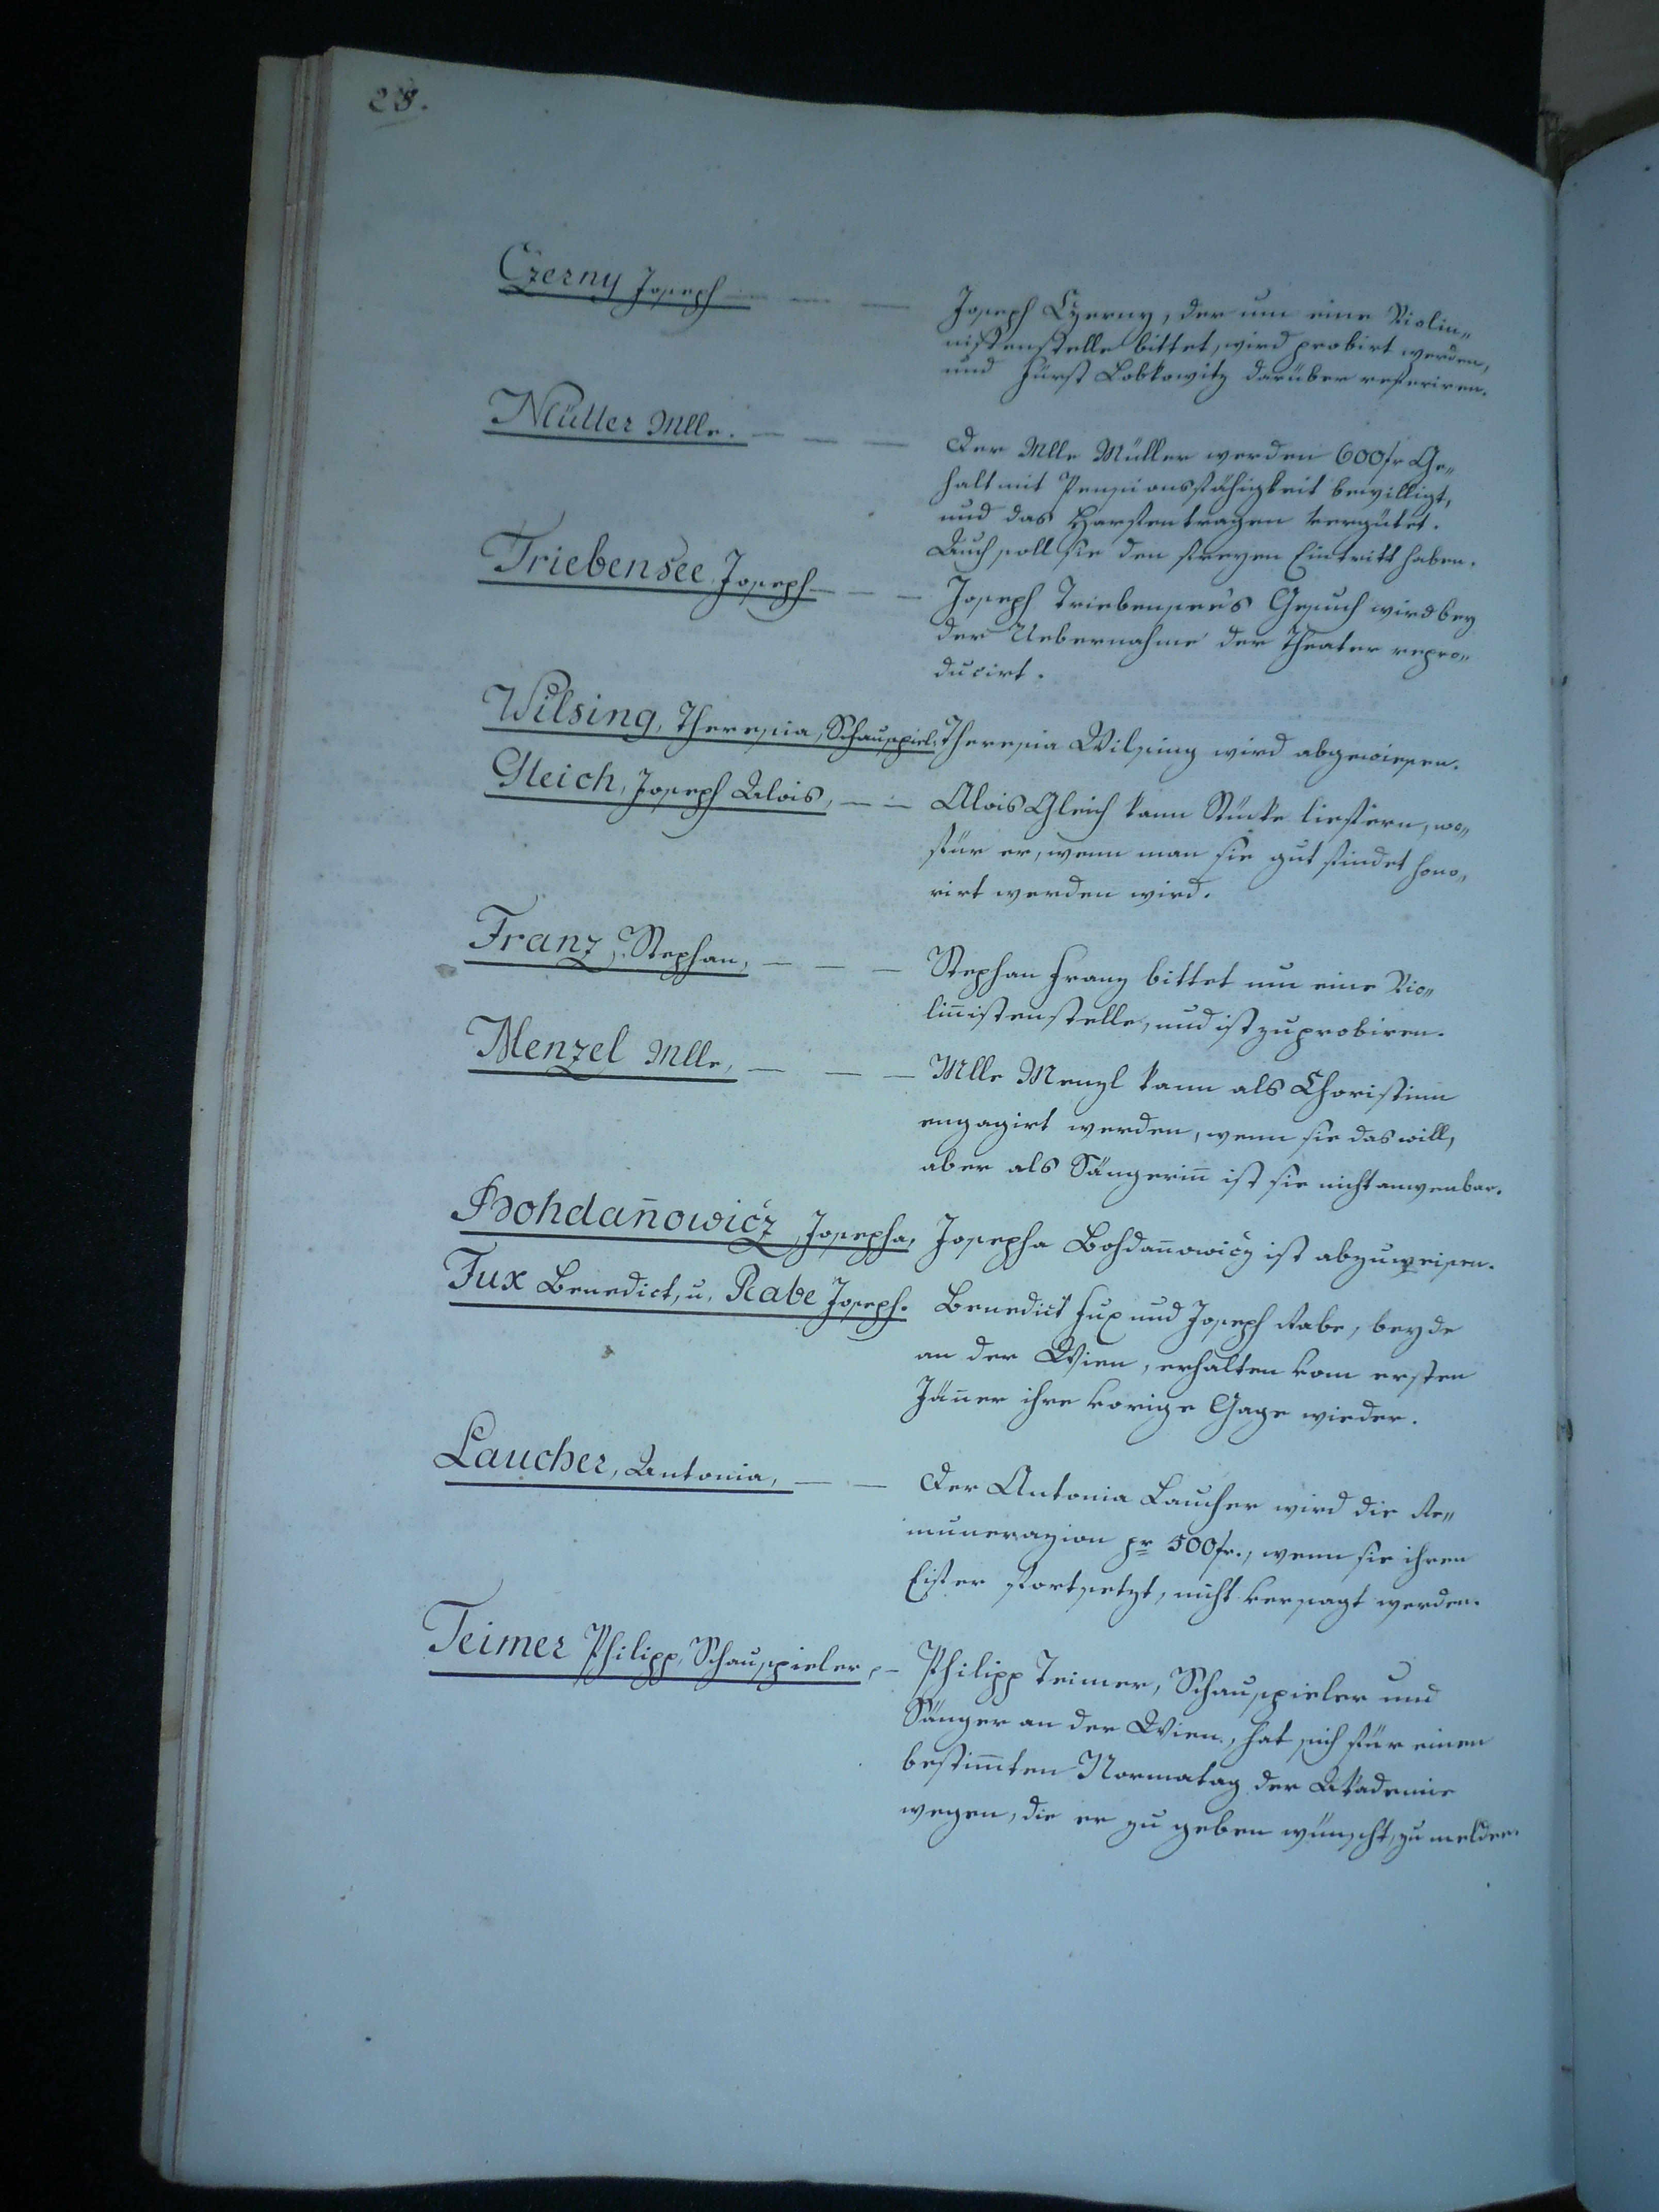28.
Czerny Joseph _ _ _ Joseph Czerny, der um eine Violin¬
nistenstelle bittet, wird probirt werden,
und Fürst Lobkowitz darüber referiren.
Müller Mlle. _ _ _ Der Mlle Müller werden 600fr Ge¬
halt mit Pensionsfähigkeit bewilligt,
und das Harfentragen vergütet.
Auch soll sie den freyen Eintritt haben.
Triebensee, Joseph _ _ _ Joseph Triebensee’s Gesuch wird bey
der Uebernahme der Theater repro¬
ducirt.
Wilsing, Theresia, Schauspiel: Theresia Wilsing wird abgewiesen.
Gleich, Joseph Alois, _ _ Alois Gleich kann Stücke liefern, wo¬
für er, wenn man sie gut findet hono¬
rirt werden wird.
Franz, Stephan, _ _ _ Stephan Franz bittet um eine Vio¬
lin̅istenstelle, und ist zuprobiren.
Menzel Mlle, _ _ _ Mlle Menzl kann als Choristinn
engagirt werden, wenn sie das will,
aber als Sängerin̅ ist sie nicht anwenbar.
Bohdan̅owićz Josepha, Josepha Bohdan̅owićz ist abzuweisen.
Fux Benedict, u. Rabe Joseph. Benedict Fux und Joseph Rabe, beyde
an der Wien, erhalten vom ersten
Jän̅er ihre vorige Gage wieder.
Laucher, Antonia, _ _ Der Antonia Laucher wird die Re¬
munerazion pr 500fr., wenn sie ihren
Eifer fortsetzt, nicht versagt werden.
Teimer Philipp, Schauspieler, _ Philipp Teiner, Schauspieler und
Sänger an der Wien, hat sich für einen
bestim̅ten Normatag der Akademie
wegen, die er zu geben wünscht, zu melden.